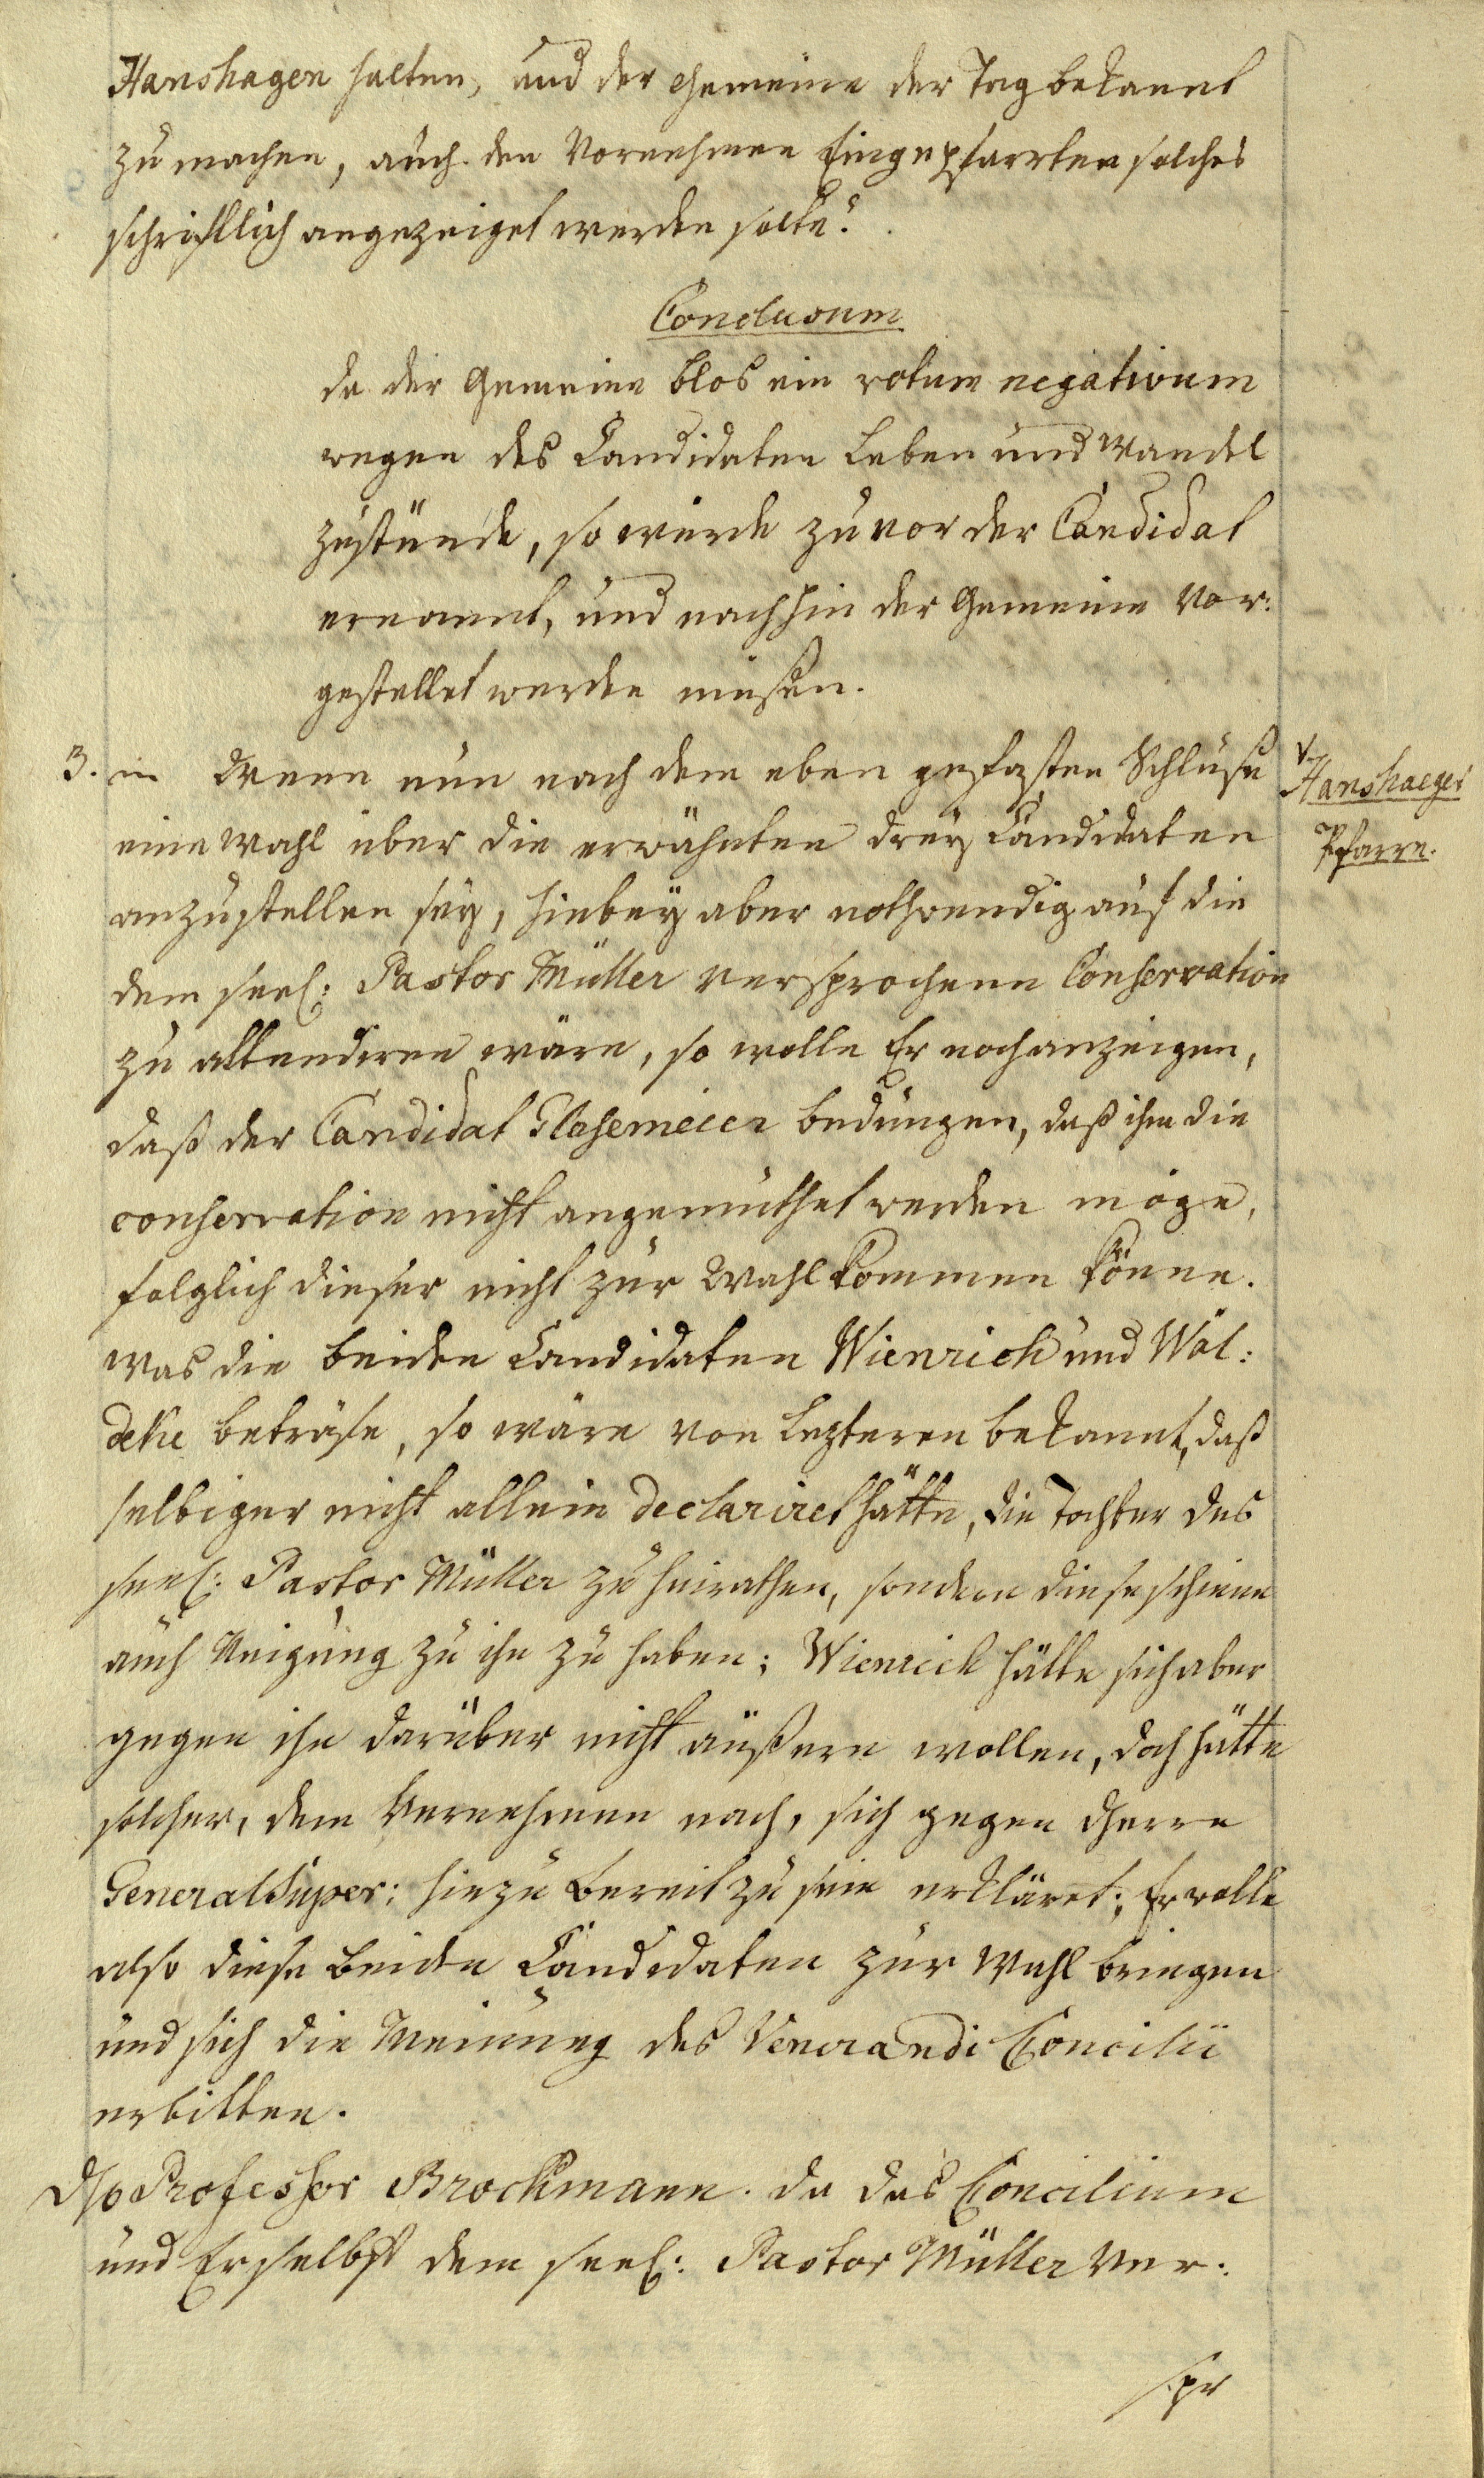Hanshagen halten, und der Gemeine der Tag bekannt
zu machen, auch den Vornehmen Eingepfarrten solches
schriftlich angezeiget werden solte!
Conclusum
da der Gemeine blos ein votum negativum
wegen des Candidaten Leben und Wandel
zustünde, so würde zu vor der Candidat
ernannt, und nach hin der Gemeine vor¬
gestellet werden müßen.
3. Wenn nun nach dem eben gefasten Schluße Hanshaeger
eine Wahl über die erwähnten dreÿ Candidaten Pfarre
anzustellen seÿ, hiebeÿ aber nothwendig auf die
dem seel: Pastor Müller versprochene Conservation
zu altendiren wäre, so wolle Er nochanzeigen,
daß der Candidat Glasemeier bedungen, daß ihm die
conservation nicht angemuthet werden möge,
folglich dieser nicht zur Wahl komen könne.
Was die beiden Candidaten Wienrich und Wöl¬
deke beträfe, so wäre von lezteren bekannt, daß
selbiger nicht allein declariret hätte, die Tochter des
seel: Pastor Müller zu heirathen, sondern diese scheine
auch Neigung zu ihn zu haben; Wienrich hätte sich aber
gegen ihn darüber nichtäußern wollen, doch hätte
solcher, dem Vernehmen nach, sich gegen dHerrn
GeneralSuper: hiezu bereit zu sein erkläret: Er wolle
alsodiese beiden Candidaten zur Wahl bringen
und sich die Meinung des Venerandi Concilii
erbitten.
dh Professor Brockmann. da das Concilium
und Er selbst dem seel: Pastor Müller ver¬
spr